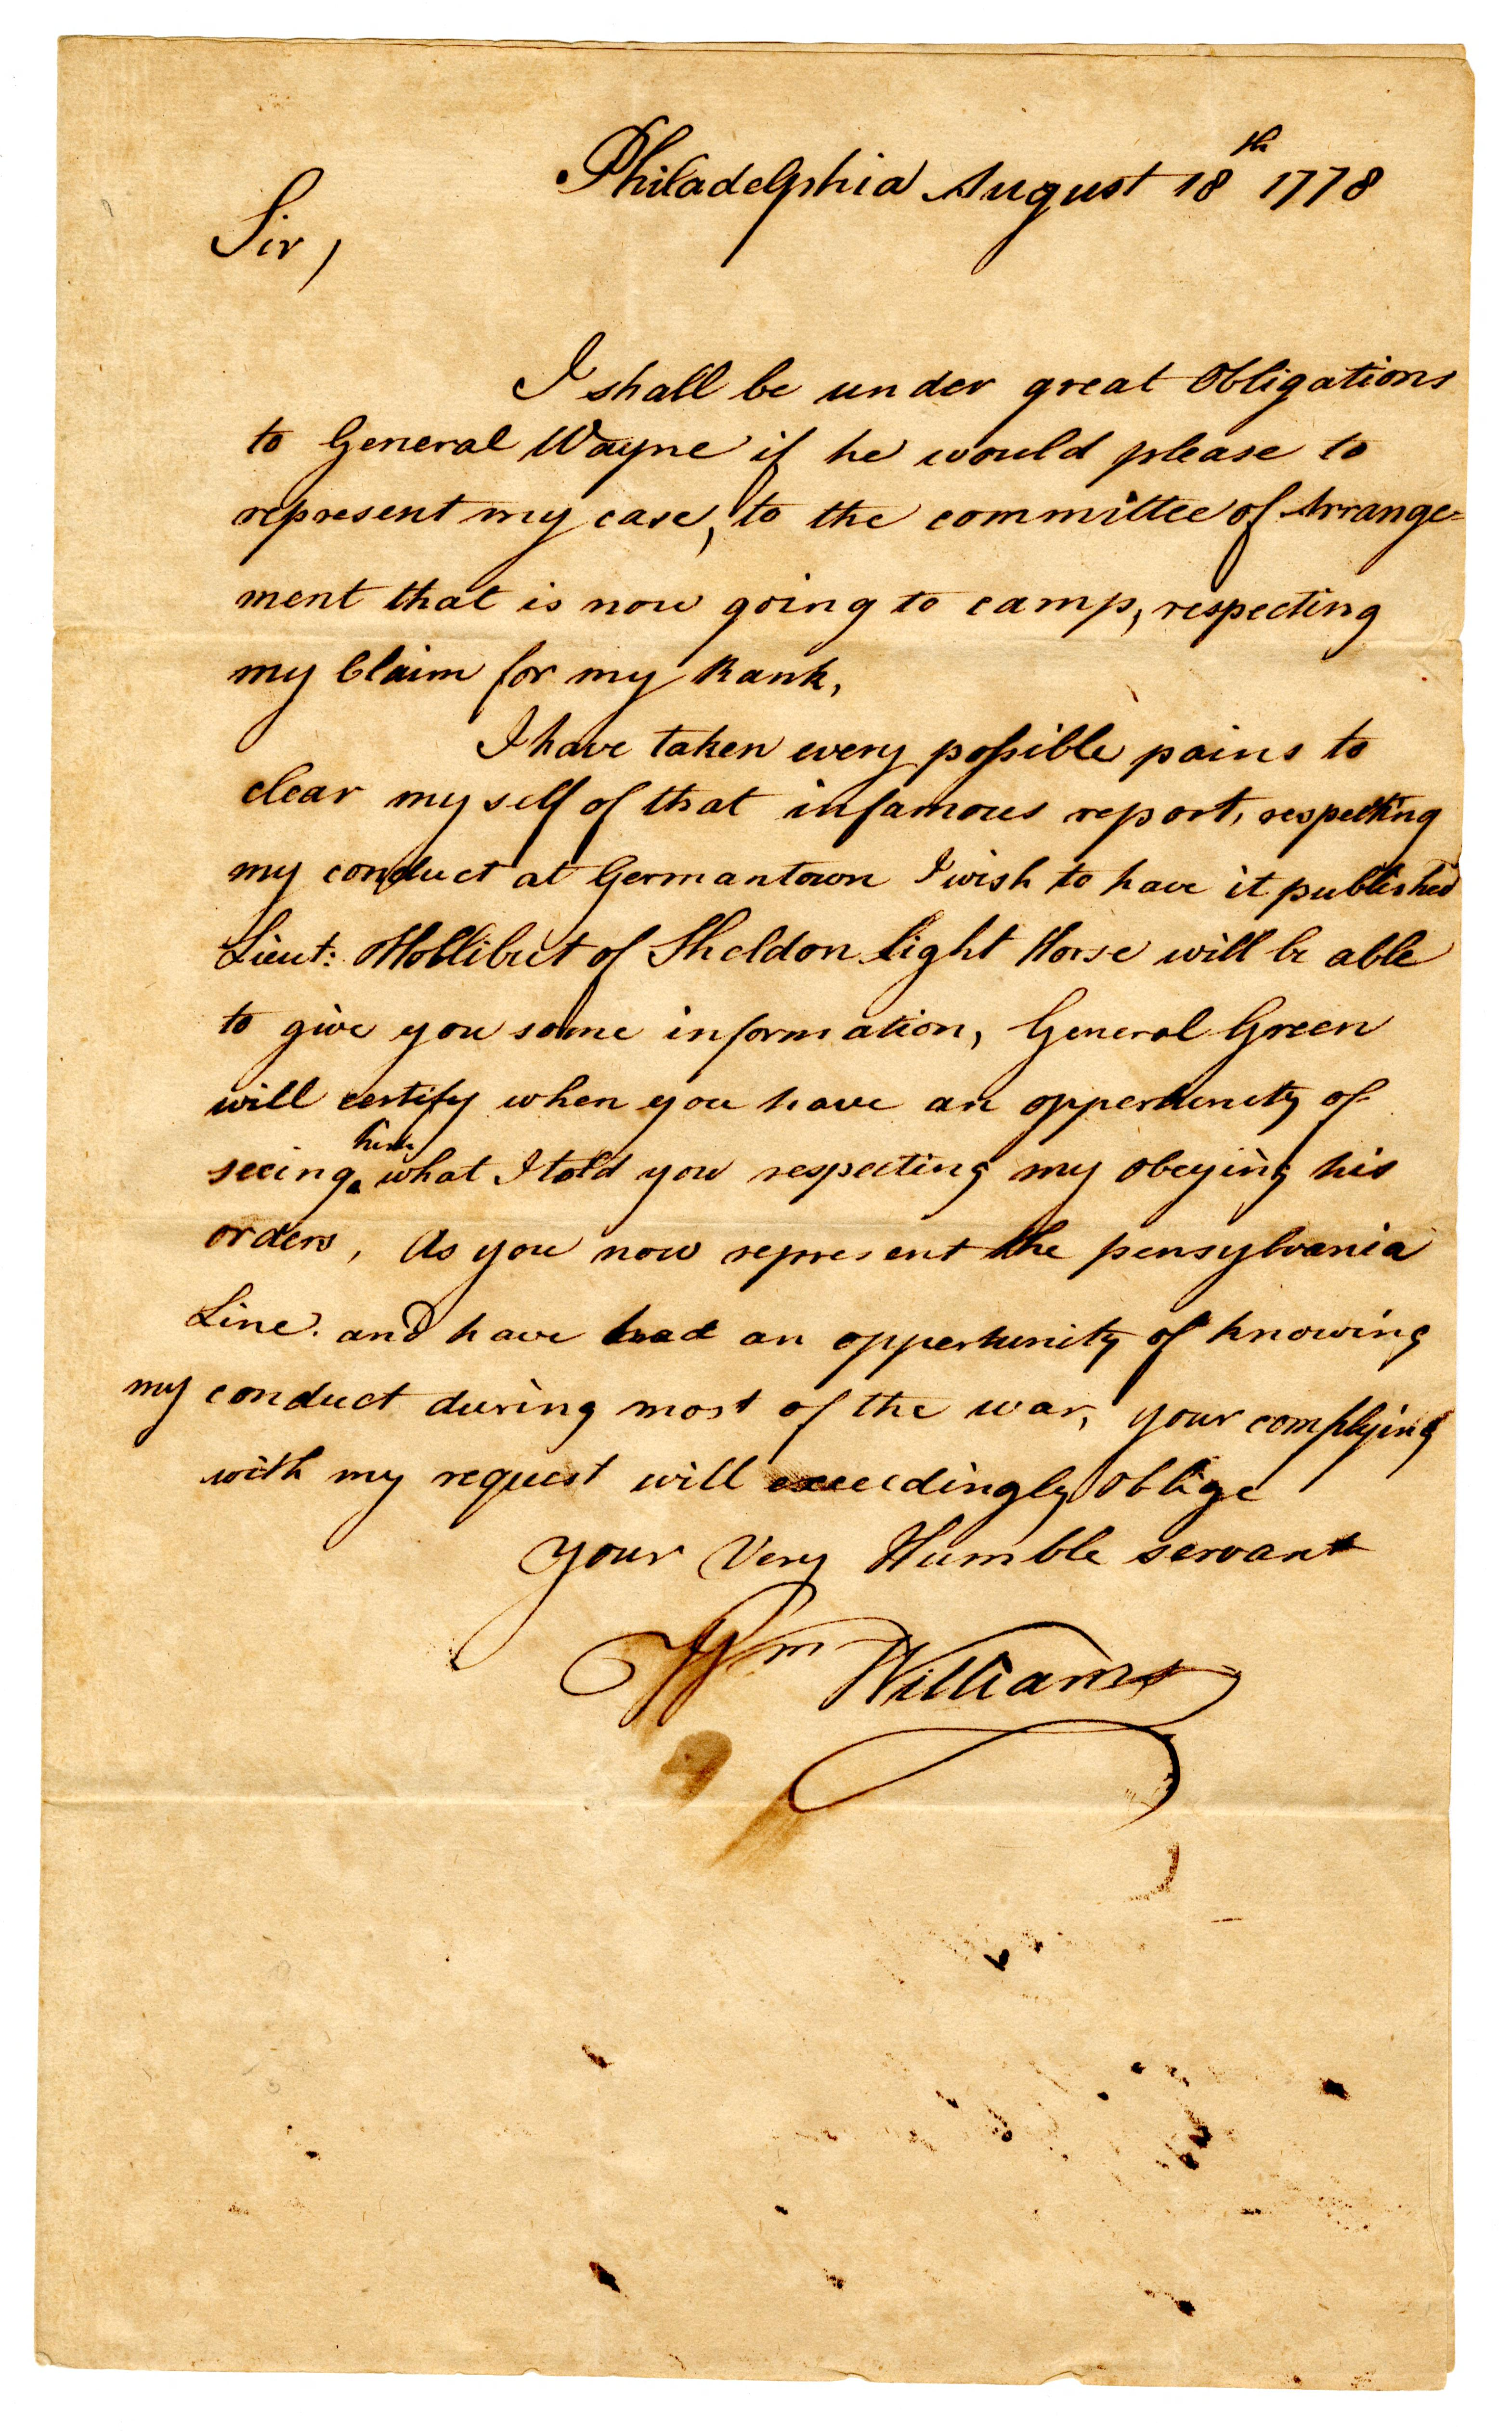Philadelphia August 18^th 1778
Sir,
I shall be under great Obligations
to General Wayne if he would please to
represent my case, to the committee of Arrange-
ment that is now going to camp, respecting
my Claim for my Bank,
I have taken every possible pains to
clear myself of that infamous report, respecting
my conduct at Germantown I wish to have it published
Lieut: Hoblibut of Sheldon light Horse will be able
to give you some information, General Green
will certify when you have an oppertunity of
him
seeing ^ what I told you respecting my obeying his
orders, As you now represent the pennsylvania
Line. and have had an oppertunity of knowing
my conduct during most of the war, your complying
with my request will exceedingly oblige
your Very Humble servant
W^m Williams